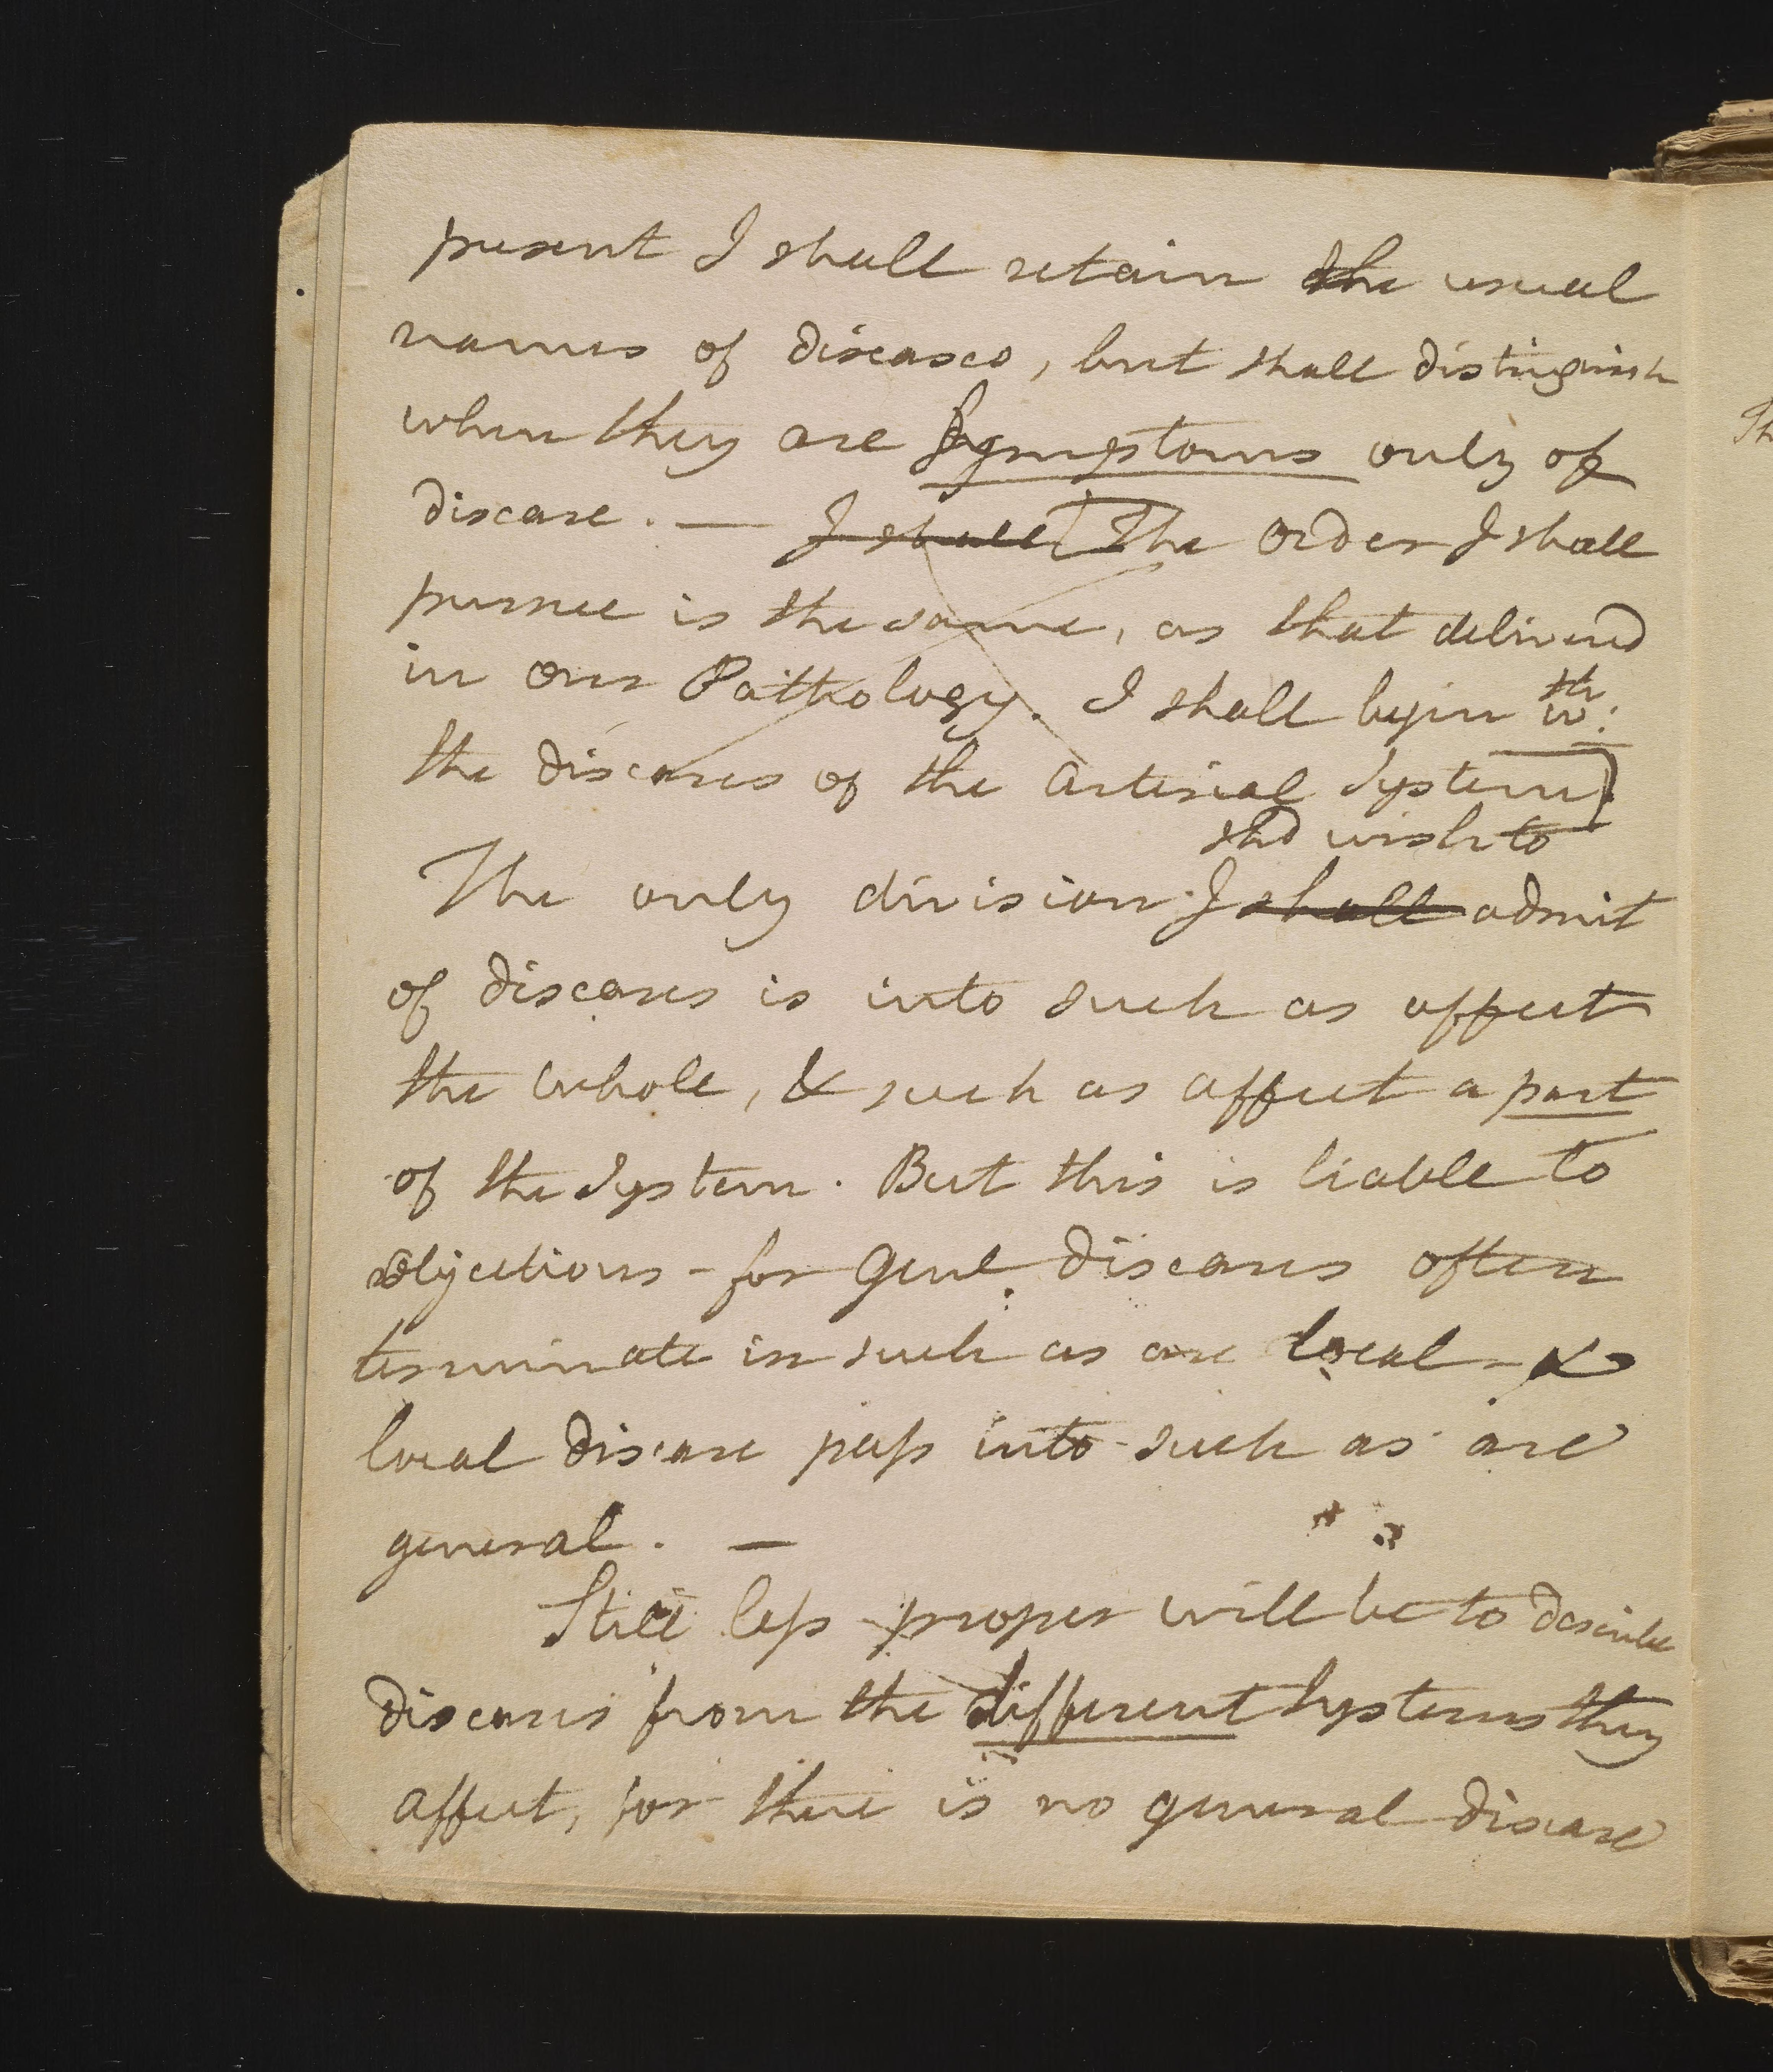present I shall retain the usual
names of diseases, but shall distinguish
when they are Symptoms only of
disease. [I shall] (The order I shall
pursue is the same, as that defined
in our Pathology. I shall begin w^th:
the diseases of the arterial system.)
I wish to
The only division I [shall] admit
of diseases is into such as affect
the whole, & such as affect a part
of the system. But this is liable to
objections- for gen^l. diseases often
terminate in such as are local, &
local disease pass into such as are
general.-
Still less proper will be to describe
diseases from the different systems they
affect, for there is no general disease